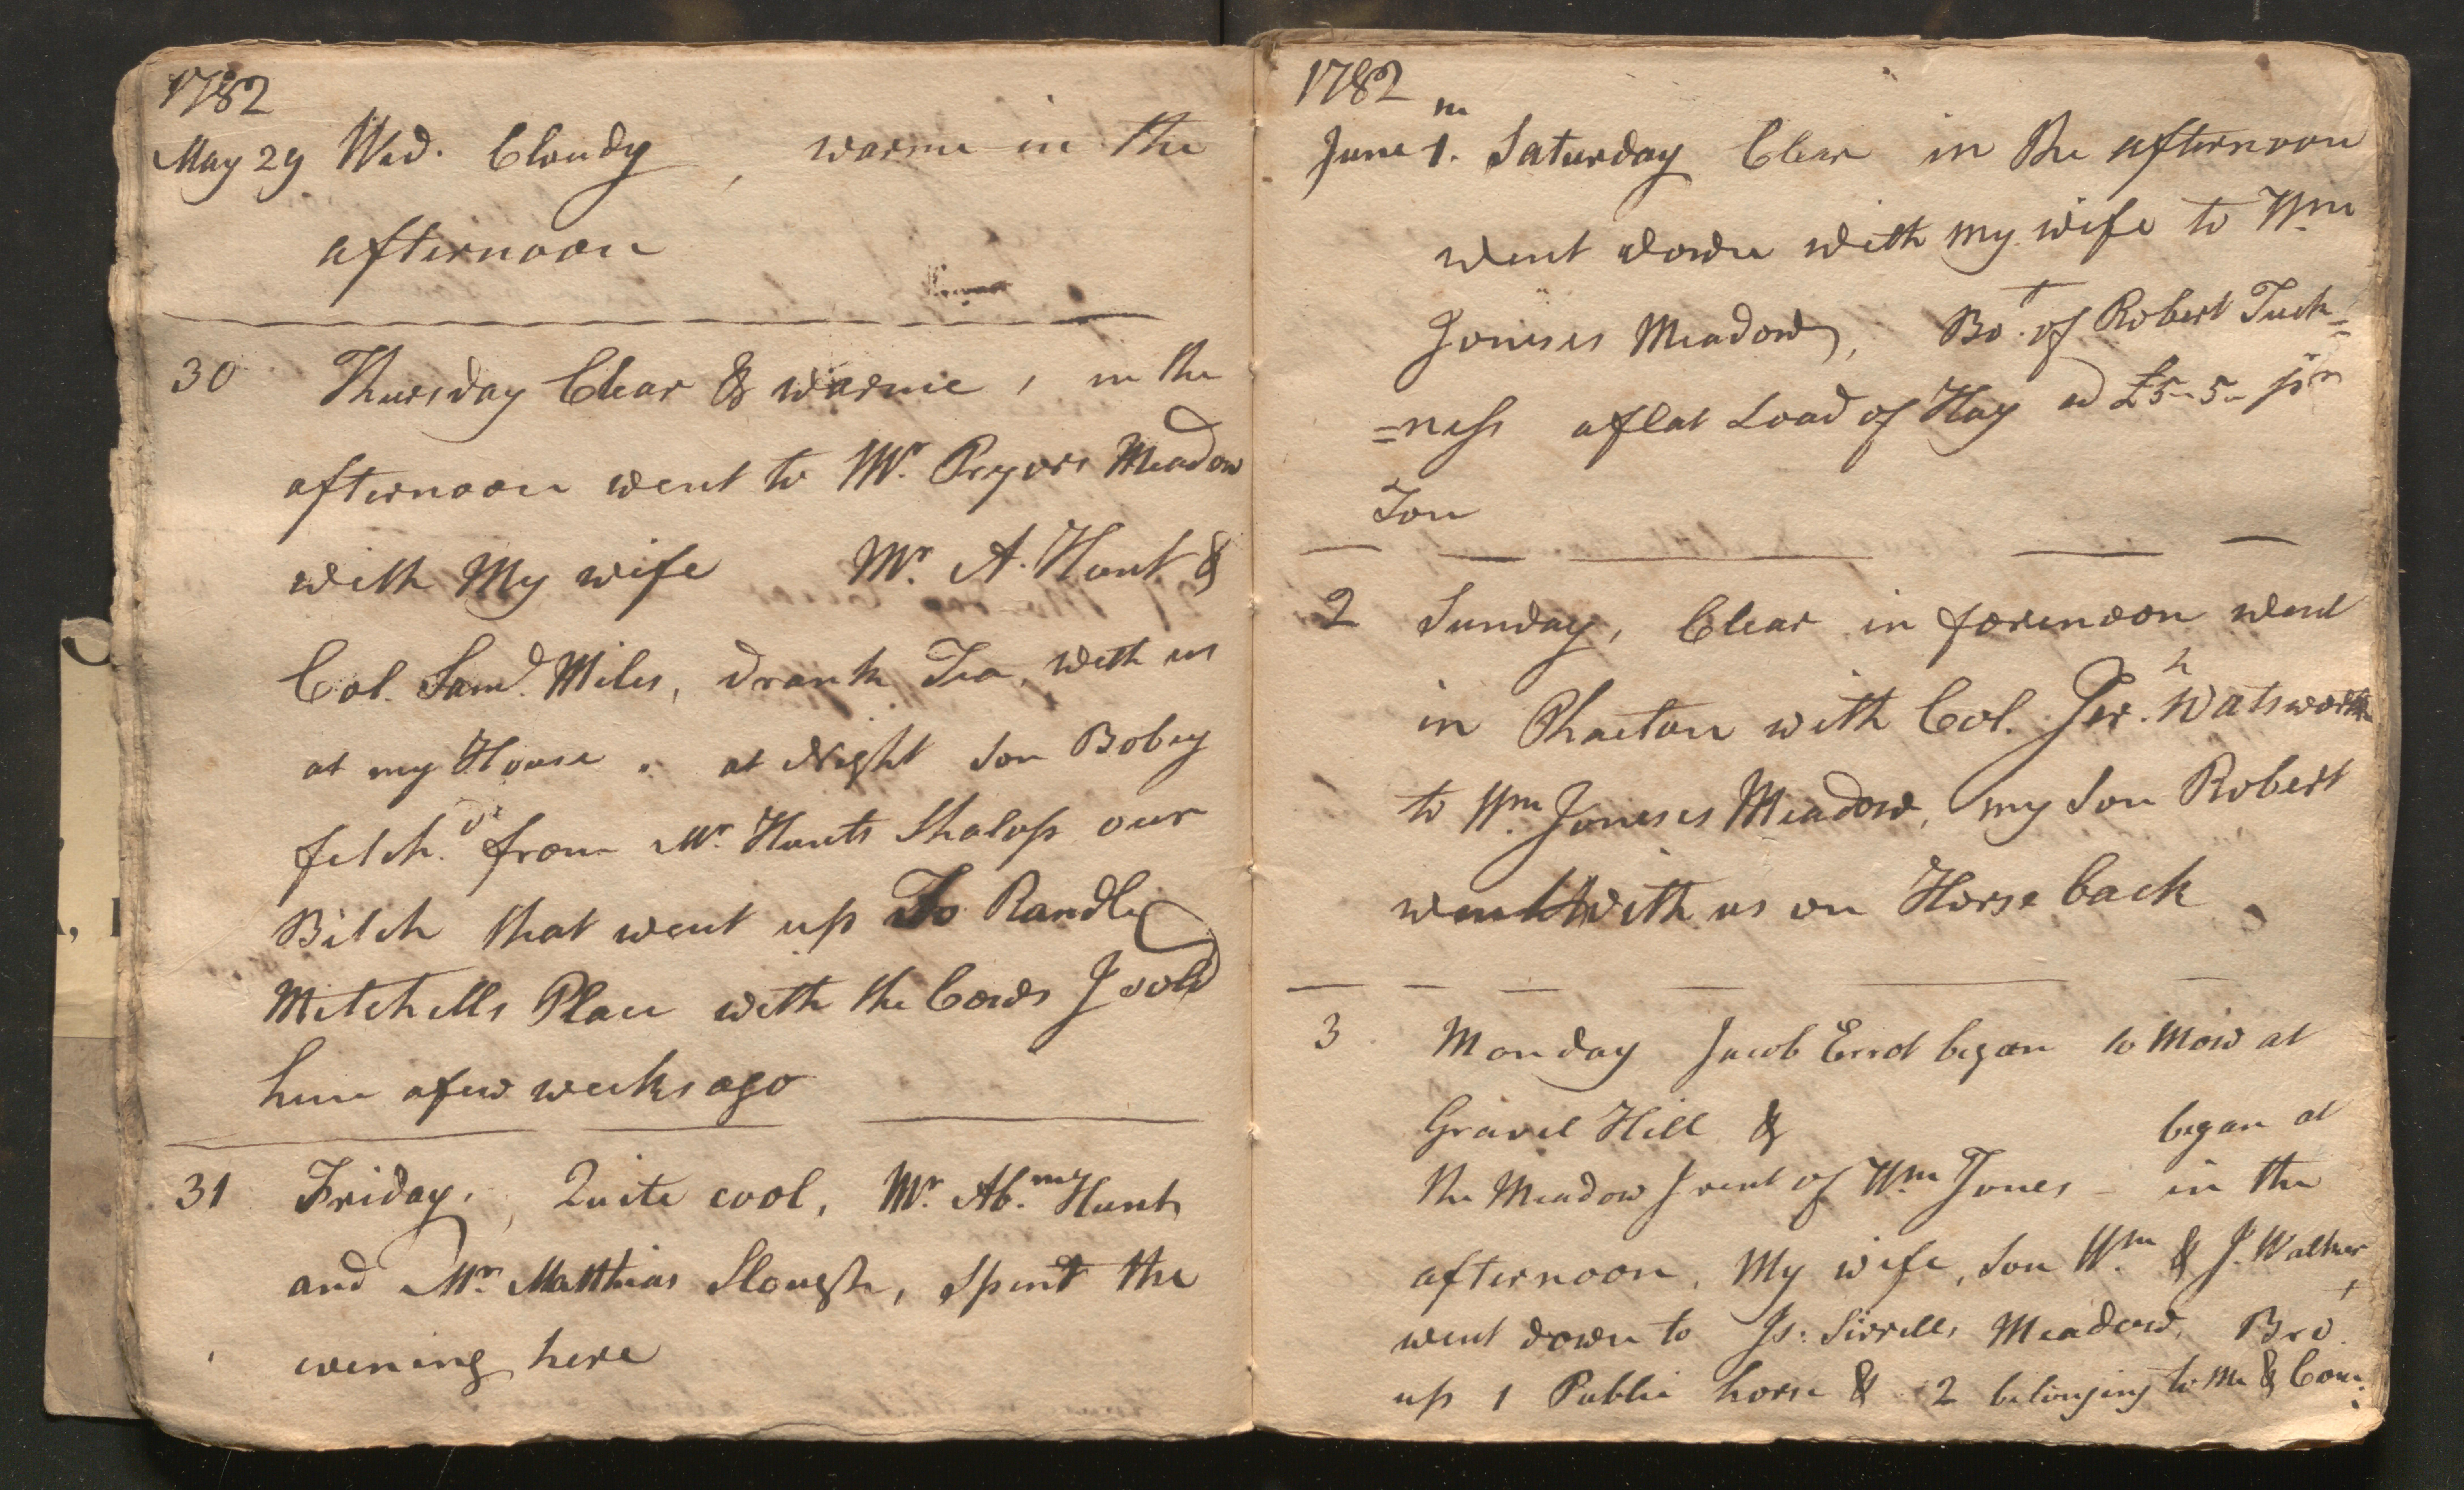1782
May 29 Wed. Cloudy warme in the
afternoon
30 Thursday Clear & warme, in the
afternoon went to M^r. Pryors Meadow
with My wife M^r. A Hunt &
Col Sam^l. Miles, drank Tea, wish us
at my House. at Night Son Bobey
fetch^d. from M^r. Hunts Shalop our
Bitch that went up To Randle
Mitchells Place with the Cows I sold
him afew weeks ago
31 Friday. Quite cool, M^r. Ab^m. Hunt
and M^r. Matthias Slough, spent the
evening here
1782
June 1^th. Saturday Clear in the afternoon
went down with my wife to W^m.
Joneses Meadow, Bo^t. of Robert Tuck-
-ness a flat Load of Hay @ £5.5. p^r.
Ton
2 Sunday, Clear in forenoon went
in Phaeton with Col. Jer^h. Watsworth
t W^m. Joneses Meadow, my Son Robers
went with us on Horse back
3. Monday Jacob Errol began to Mow at
Gravel Hill, &
began at
the Meadow I rent of W^m Jones- in the
afternoon. My wife, Son W^m. & J. Walker
went down to Js. Sirrells Meadow, Bro^t.
up 1 Public horse & 2 belonging ho me & Con.